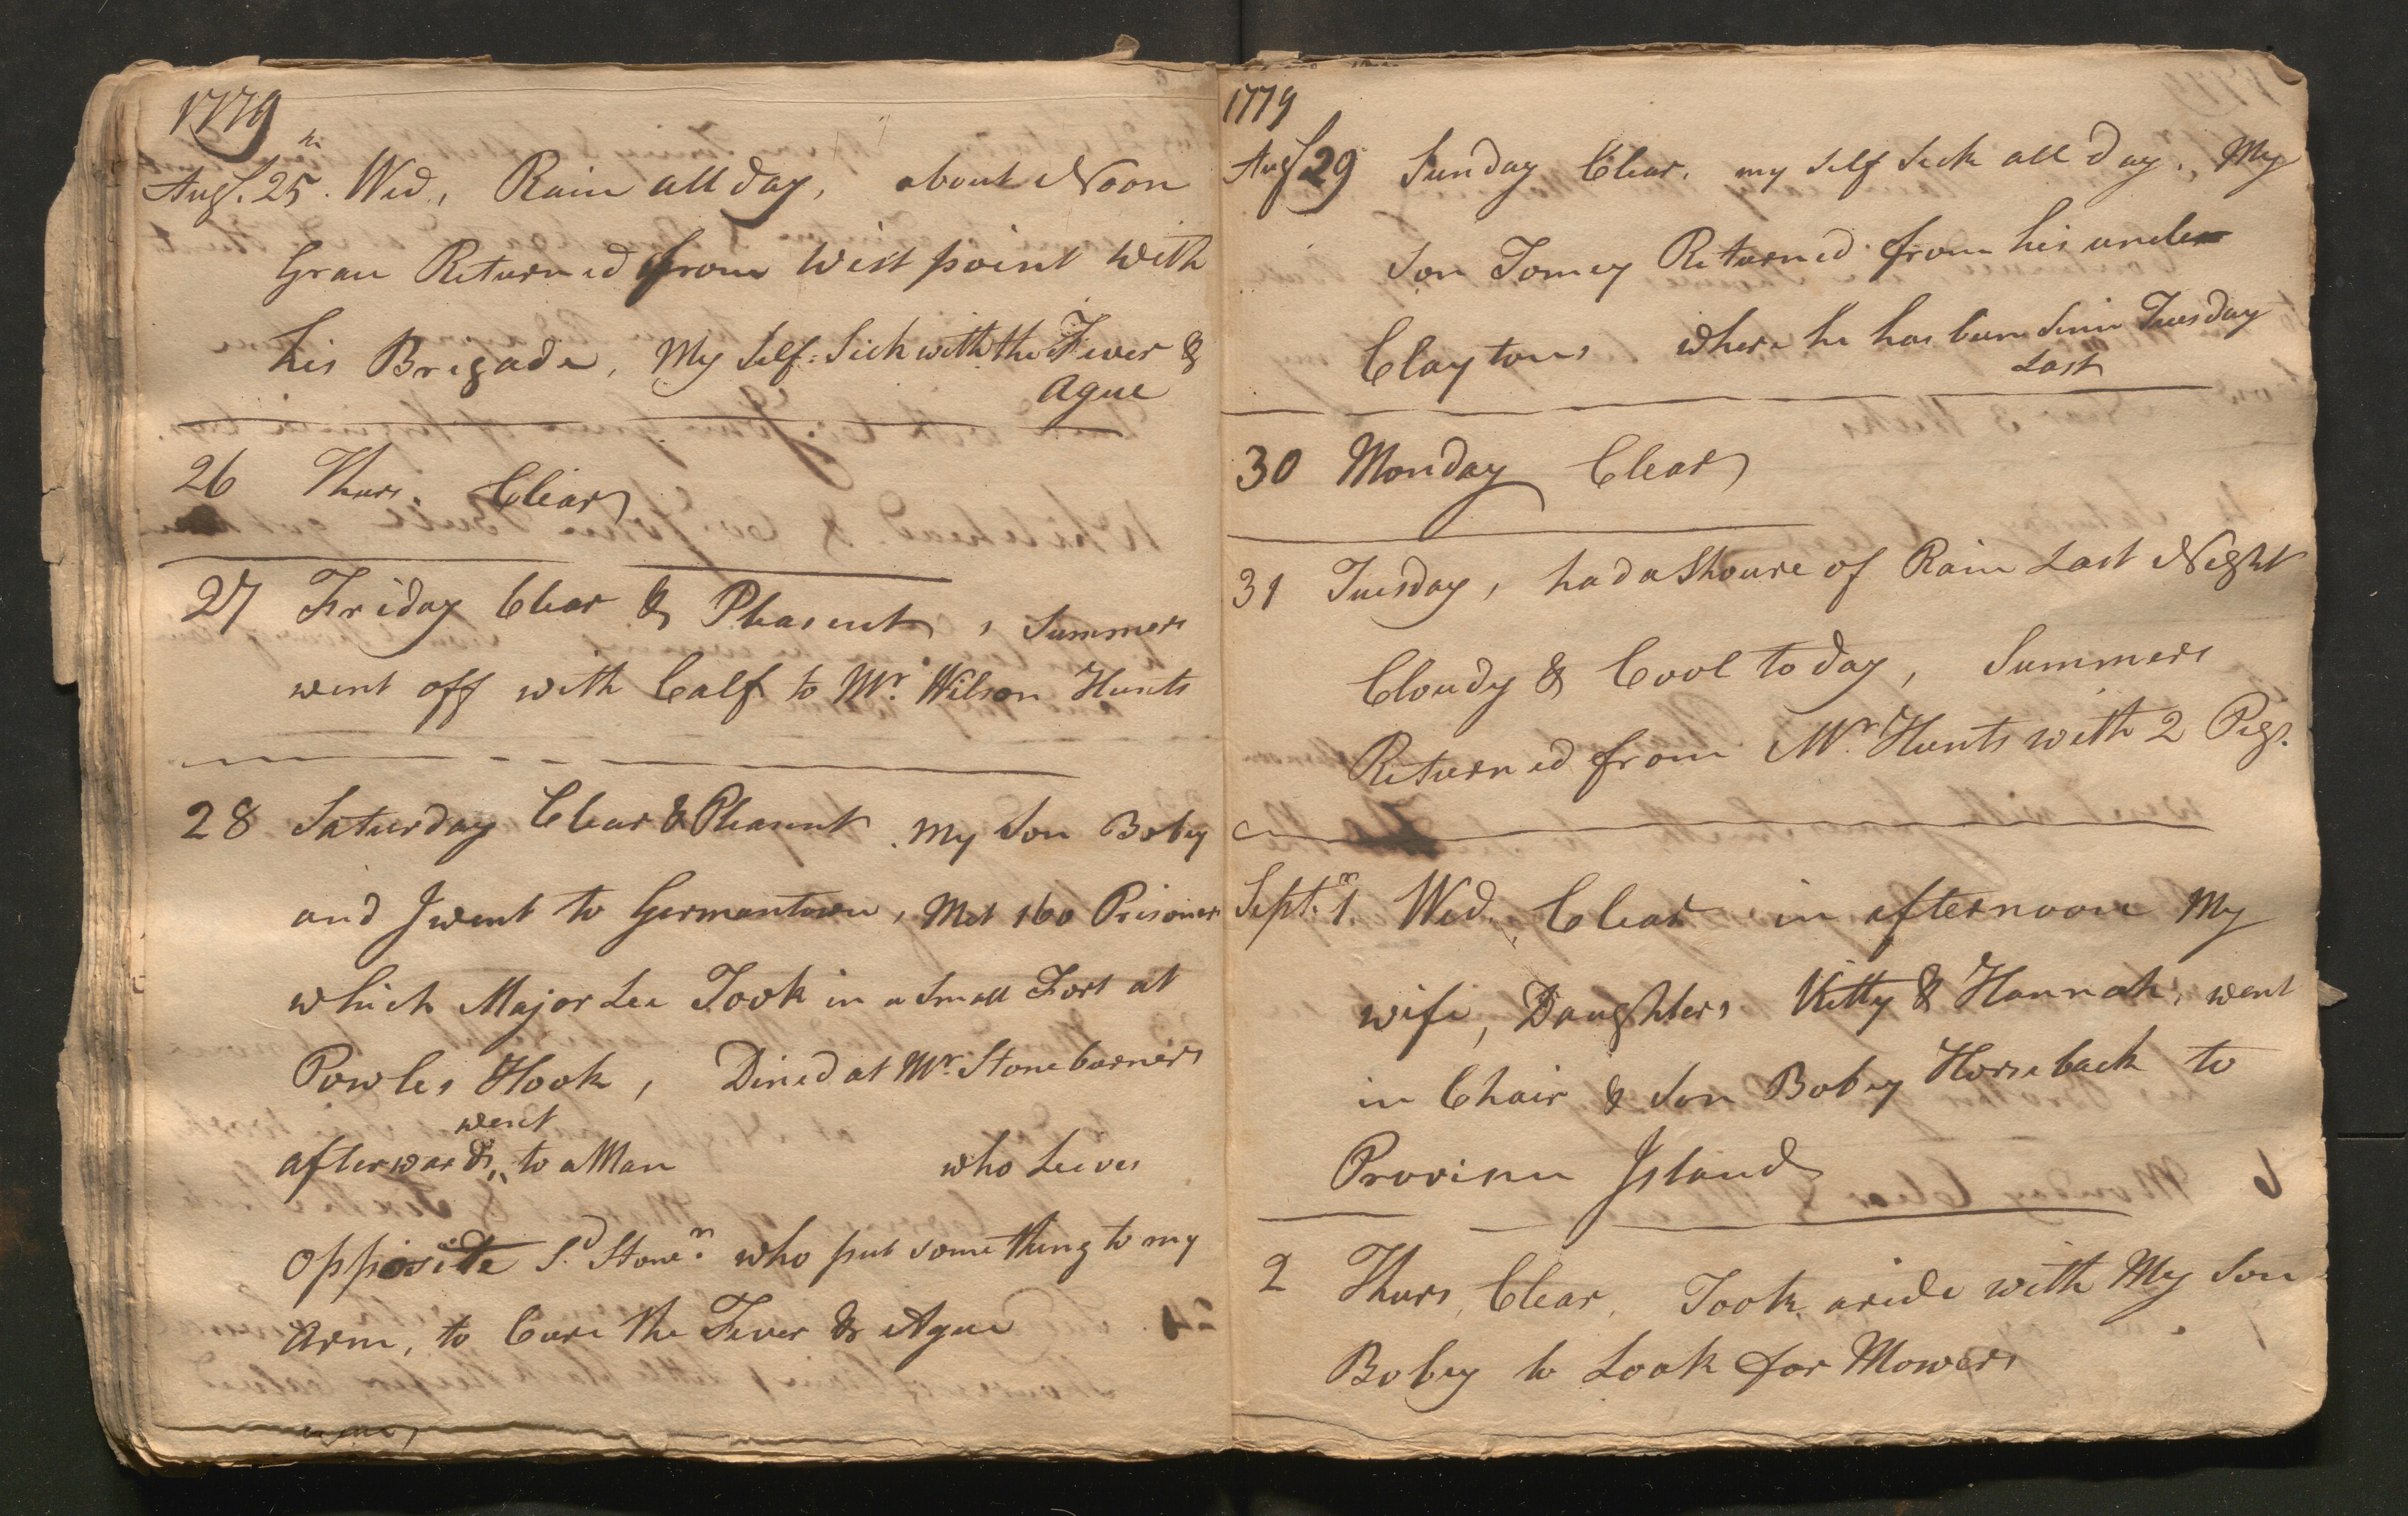I779
Aug^t. 25^th. Wed. Rain all day, about Noon
Grau Returned from West point with
his Brigade, My Self. Sick with the Fever &
Ague
26 Thurs. Clear
27 Friday Clear & Pleasent, Summers
went off with Calf to M^r. Wilson Hunts
28 Saturday Clear & Pleasent My Son Bobey
and I went to Germantown, Met 160 Prisoner
which Major Lee Took in a small Fort at
Powles Hook, Dined at M^r. Stoneburners
went
afterwads, to a Man
who Leives
opposite s^d. Stone^r. who put some thing to my
Arm, to Cure the Fever & Aque
1779
Aug^t 29 Sunday Clear, my self sick all day. My
Son Tomey Returned from his uncle
Claytons where he has been since Tuesday
Last
30 Monday Clear
31 Tuesday, had a Shoure of Rain Last Night
Cloudy & Cool to day. Summers
Retusned from M^r. Hunts with 2 Pig^s.
Sept^r. 1 Wed Clear in afternoon My
wife, Daughters Kitty & Hannah, went
in Chair & Son Bobey Horeback to
Province Island
2 Thurs Clear Took a ride with My Son
Bobey to Look for Mowers